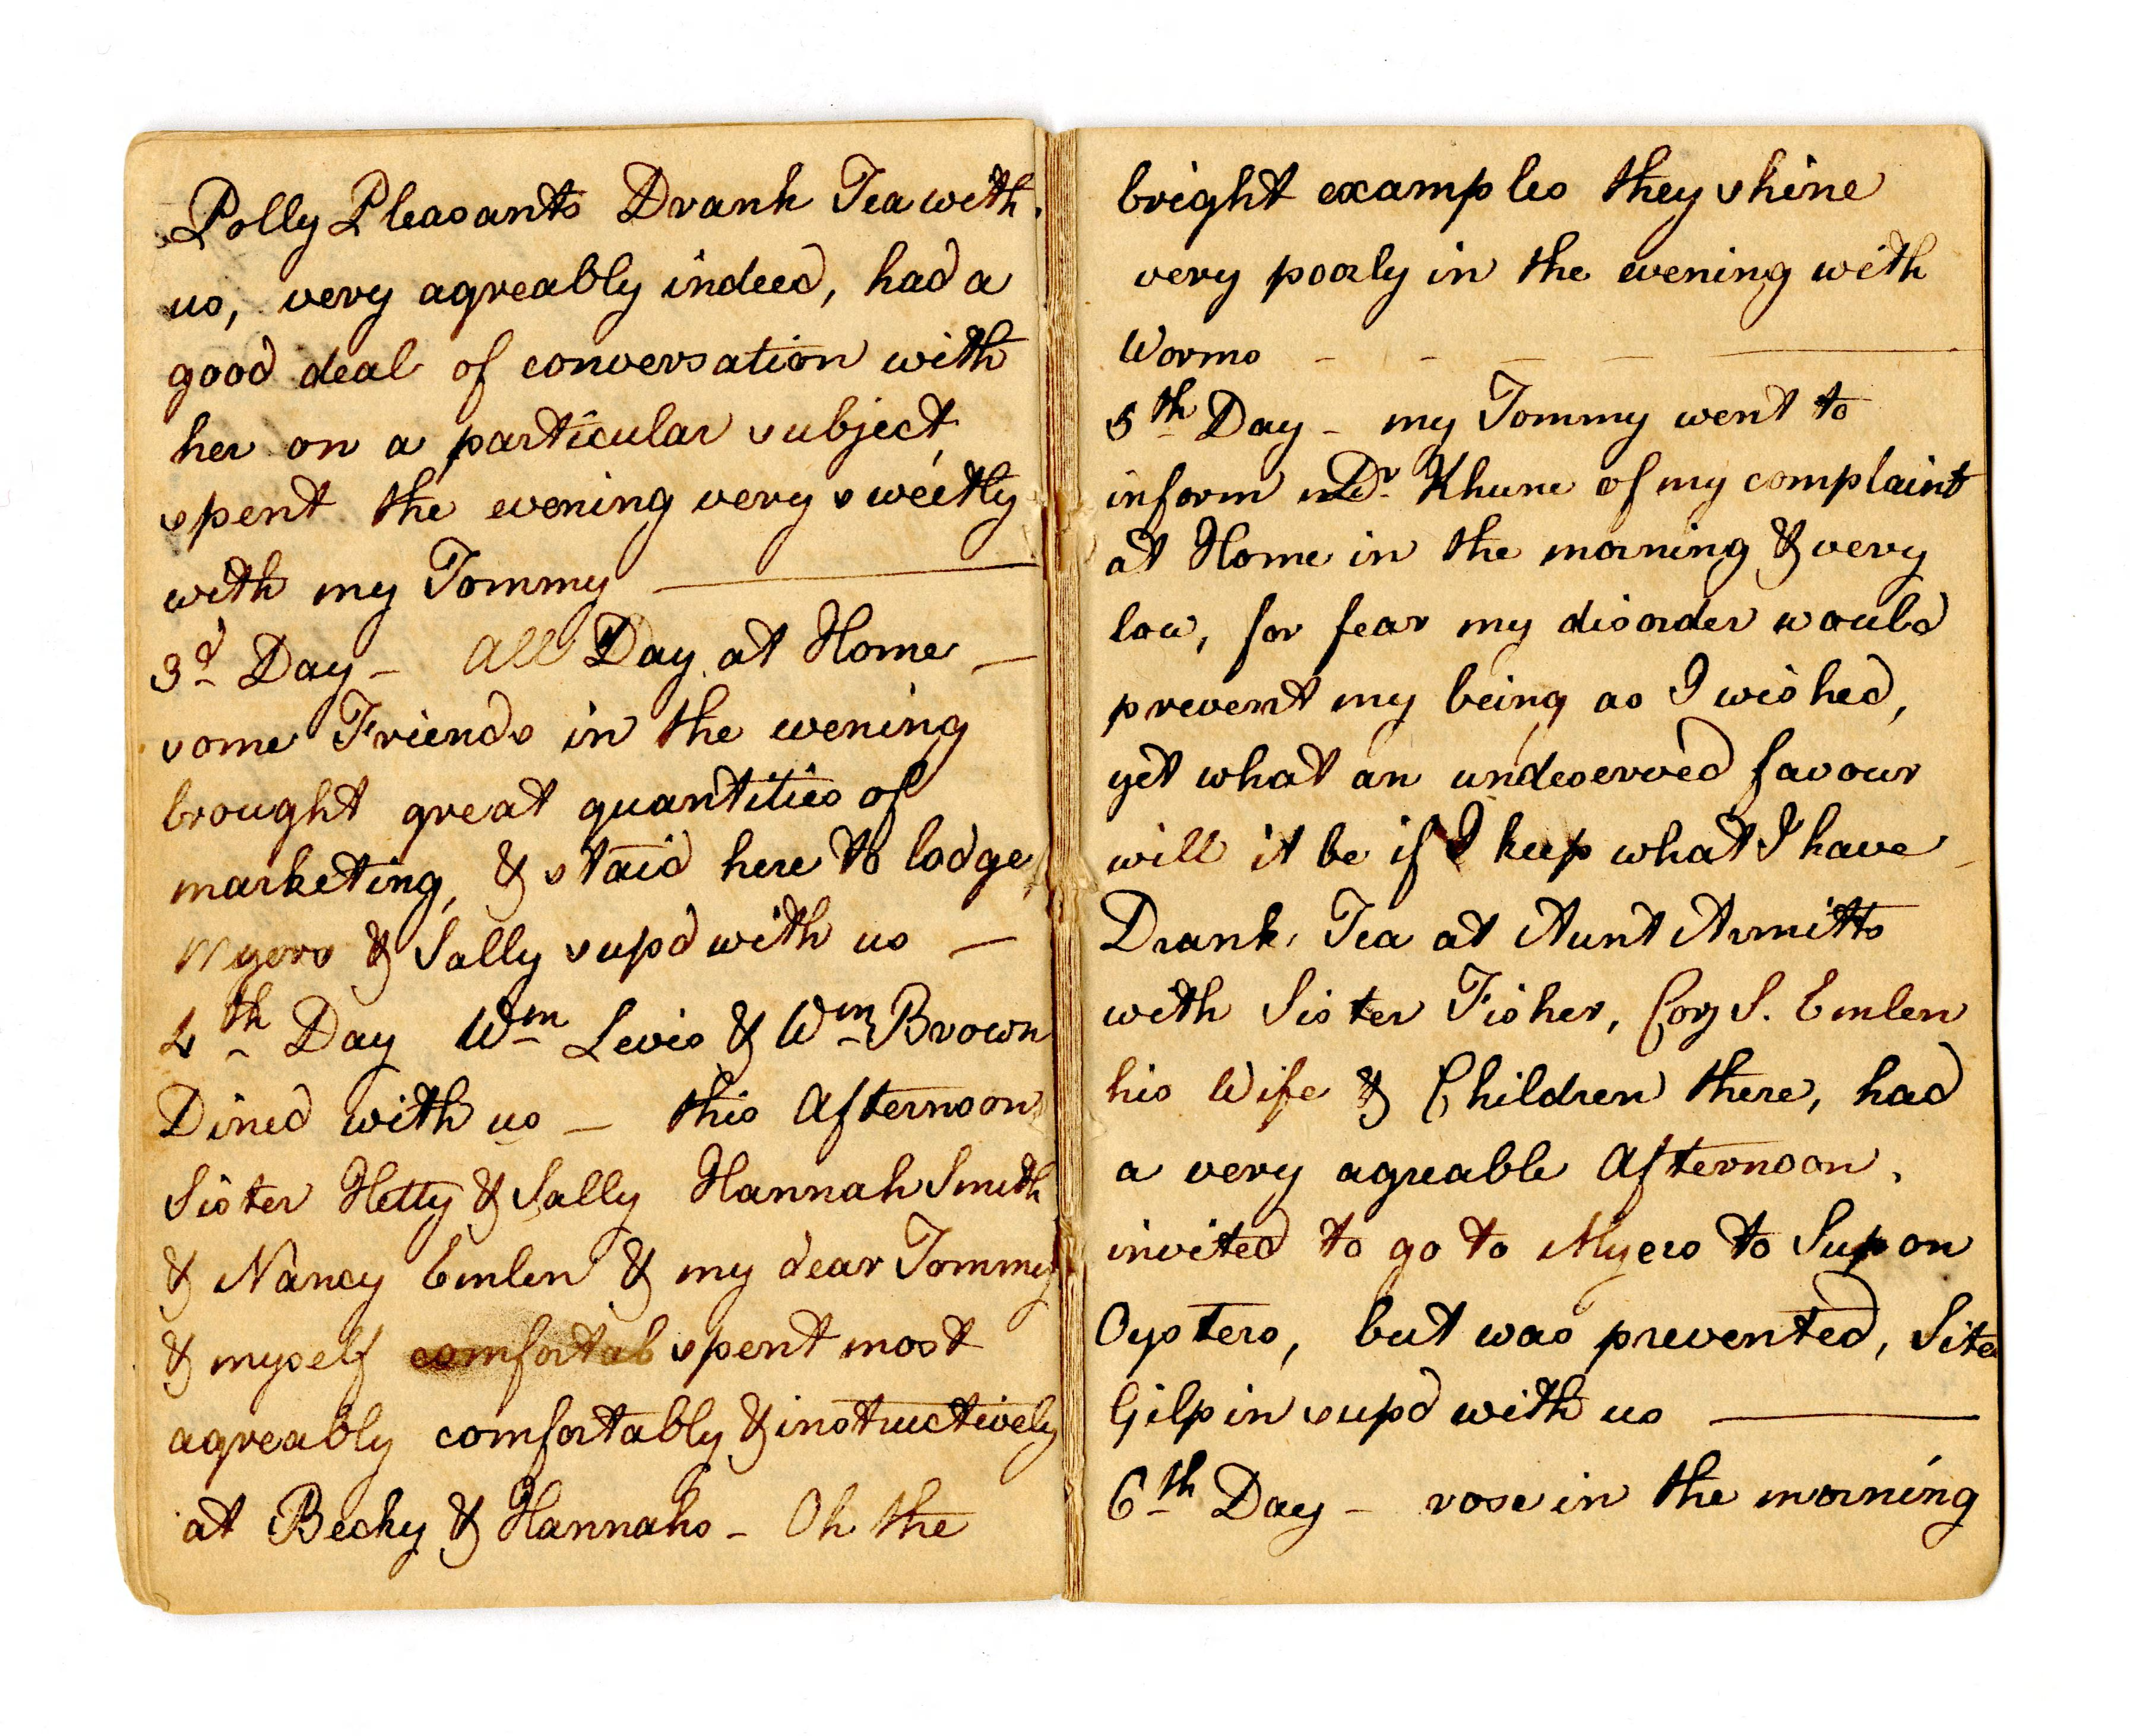Polly Pleasants Drank Tea with
us, very agreably indeed, had a
good deal of conversation with
her on a particular subject,
spent the evening very sweetly
with my Tommy-
3^d. Day- All Day at Home-
some Friends in the evening
brought great quantities of
marketing, & staid here to lodge
Myers & Sally supd with us-
4^th Day W^m Levis & W^m Brown
Dined with us- this Afternoon
Sister Hetty & Sally Hannah Smith
& Nancy Emlen & my dear Tommy
& myself comfortab spent most
agreably comfortably & instructively
at Becky & Hannahs- Oh the
bright examples they shine
very poorly in the evening with
Worms-
5^th Day- my Tommy went to
inform D^r. Khune of my complaint
at Home in the morning & very
law, for fear my disorder would
prevent my being as I wished,
yet what an undeserved favour
will it be if I keep what I have
Drank, Tea at Aunt Armitts
with Sister Fisher, Coz S. Emlen
his Wife & Children there, had
a very agreable Afternoon,
invited to go to Myers to Sup on
Oysters, but was prevented, Site
Gilpin supd with us-
6^th. Day- rose in the morning